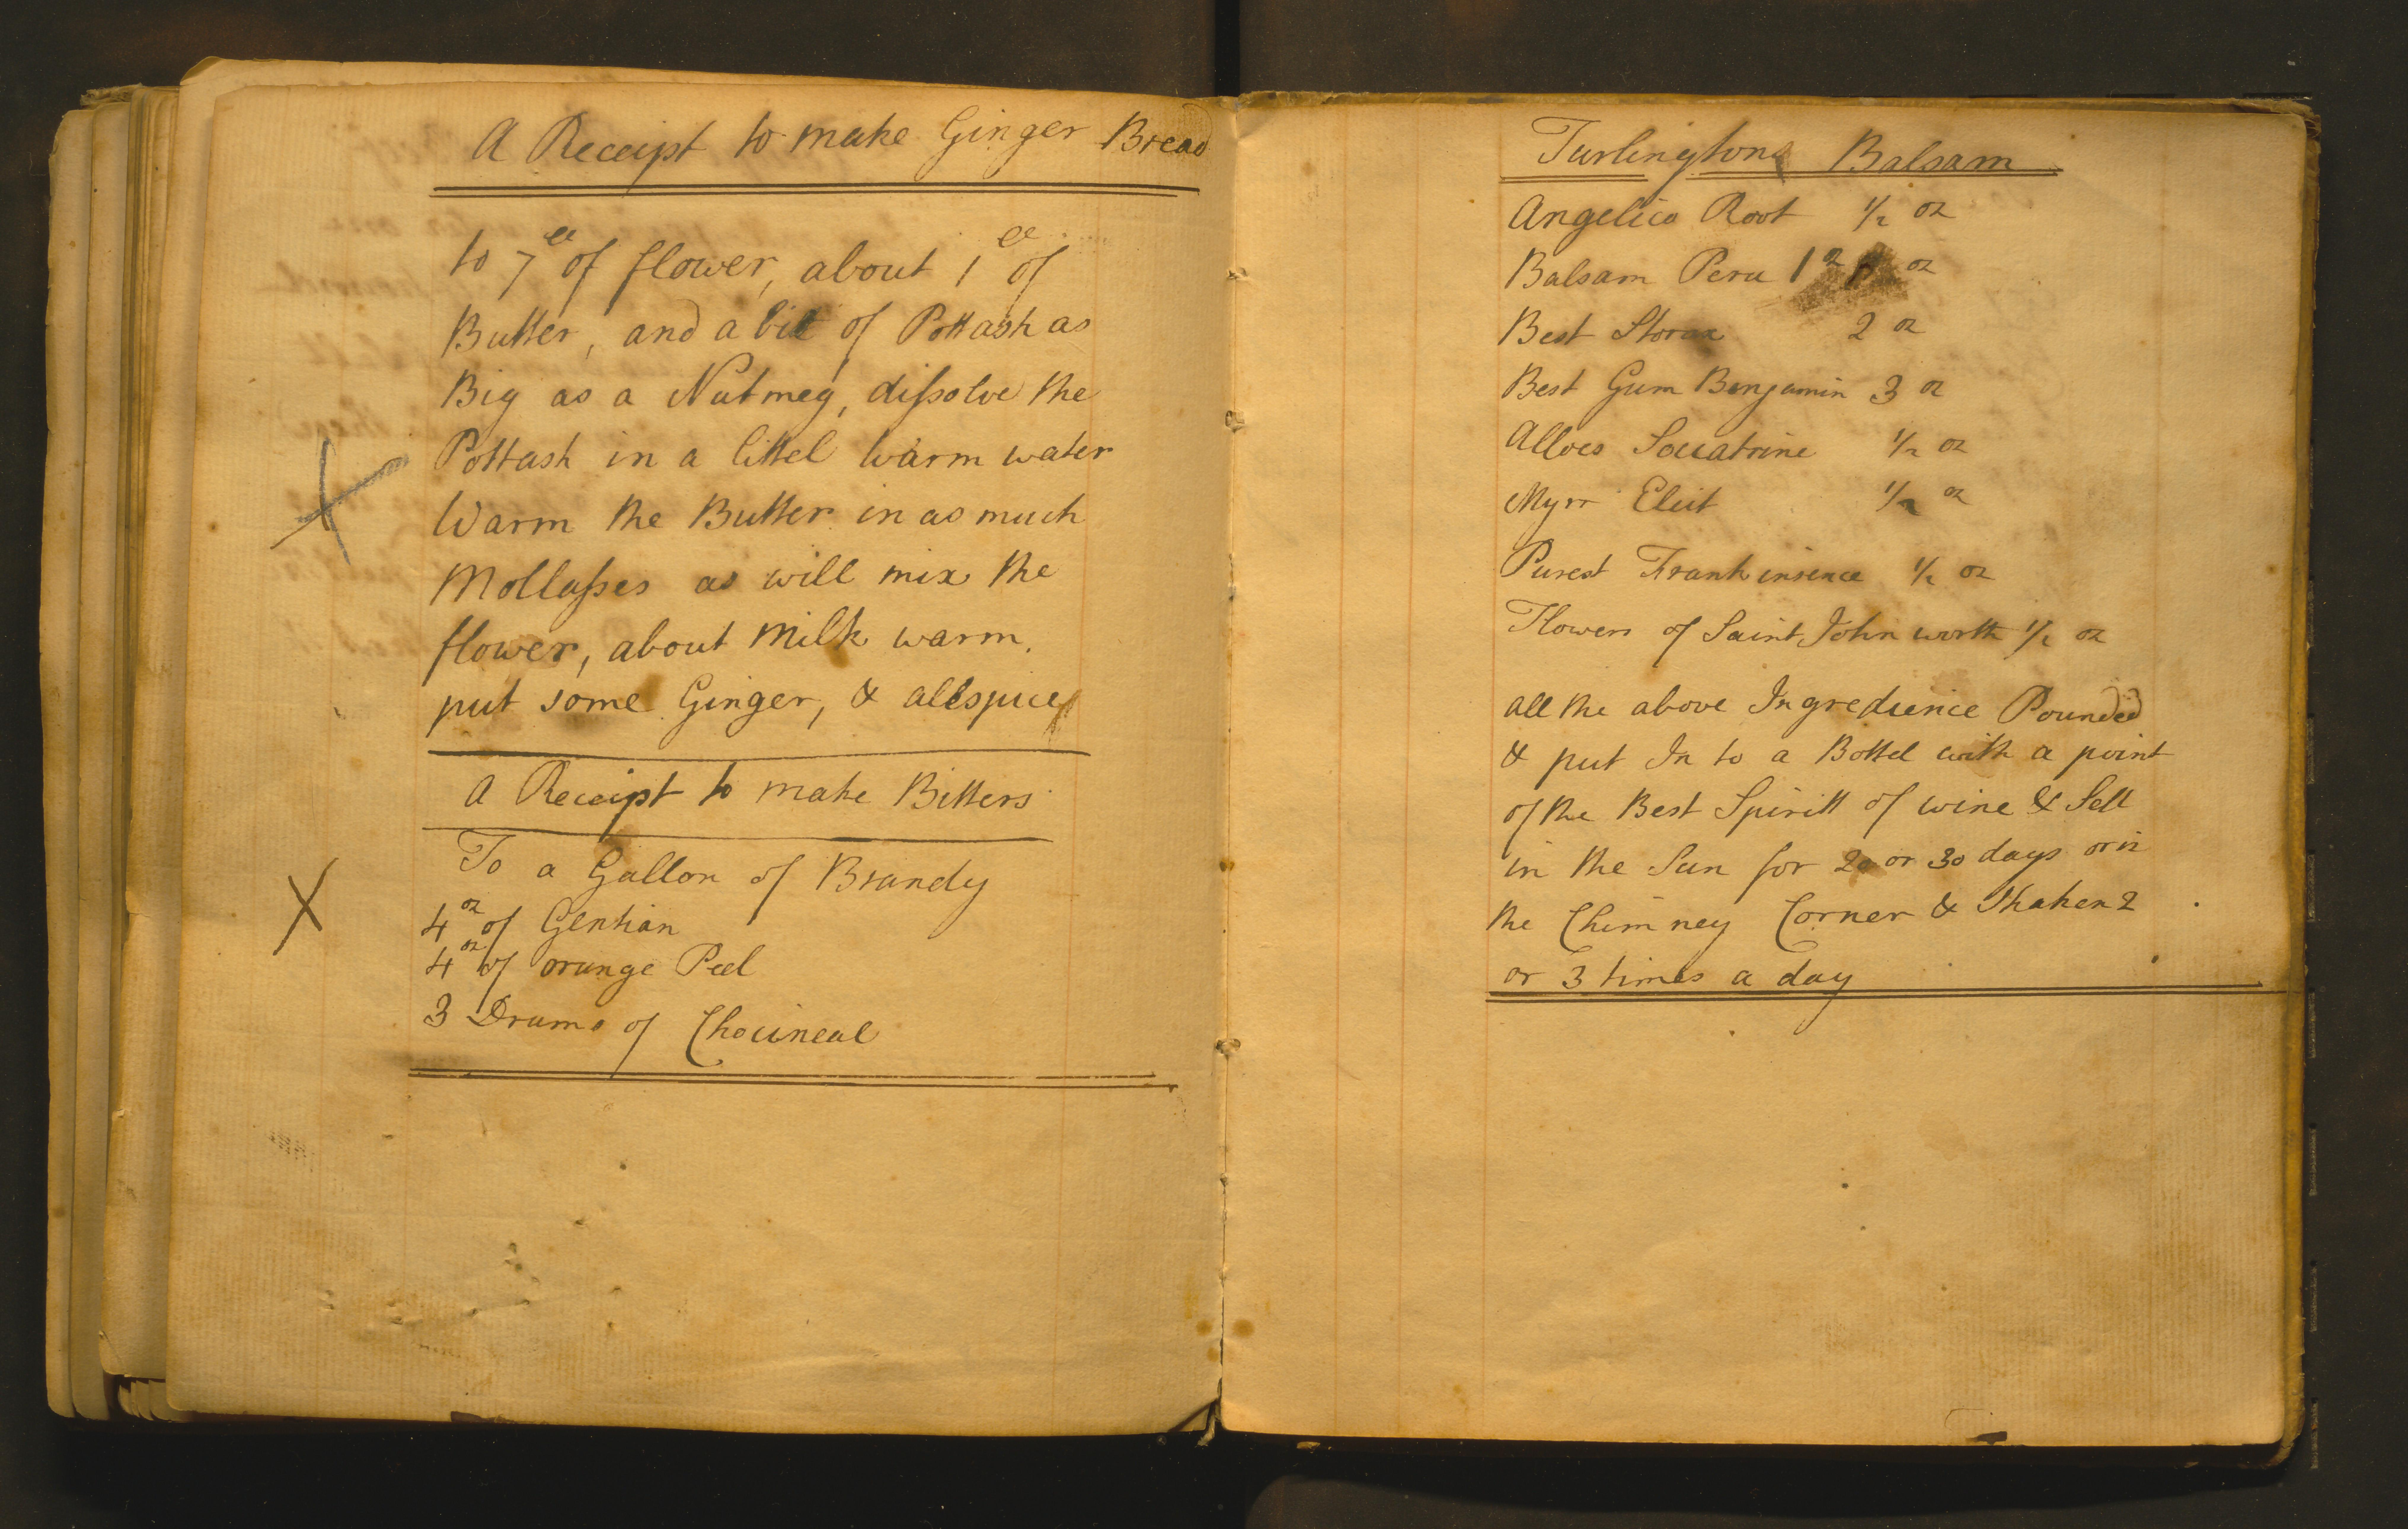A Receipt to make Ginger Bread
to 7 ^lb of flower about 1 ^lb of
Butter, and a bit of Pottash as
Big as a Nutmeg, dissolve the
Pottash in a littel warm water
Warm the Butter in as much
Mollasses as will mix the
flower, about milk warm.
put some Ginger, & allspice
A Receipt to make Bitters
To a Gallon of Brandy
4 ^oz of Gentian
4 ^oz of oringe Peel
3 Drums of Chocineal
Turlingtons Balsam
Angelica Root 1/2 oz
Balsam Peru 1 ^oz [_] oz
2 oz
Best storax
Best Gum Benjamin 3 oz
Alloes Soccatrine 1/2 oz
Myrr Elcit
Purest Frankinsence 1/2 oz
Flowers of Saint John worth 1/2 oz
all the above Ingredience Pounded
& put In to a Bottel with a point
of the Best Spiritt of wine & Sett
in the sun for 20 or 30 days or in
the Chimney Corner & shaken 2
or 3 times a day